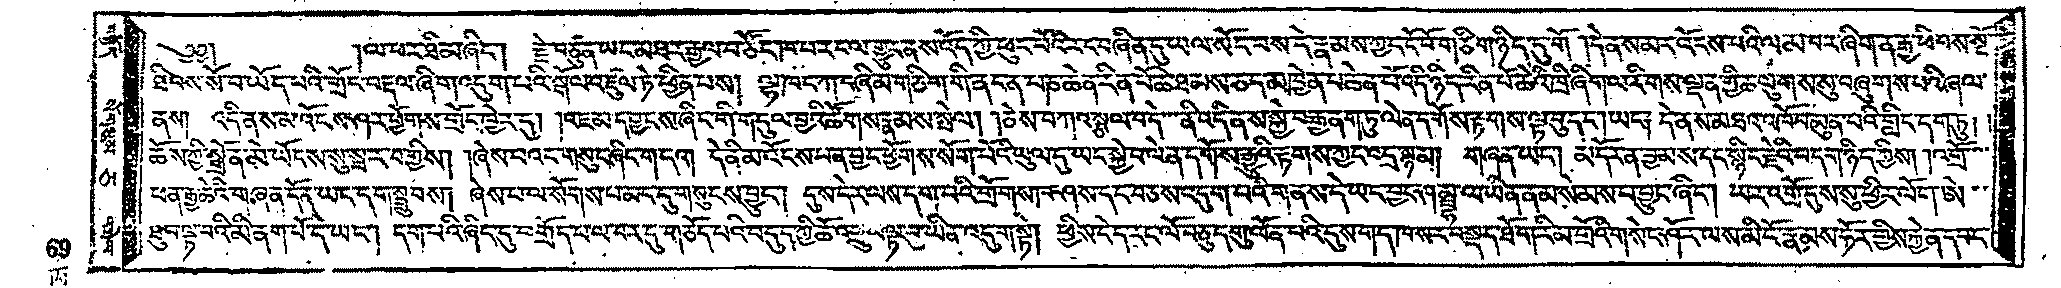༄༅། །ལ་ཕར་ཐིམ་ཞིང་། རྗེ་བཙུན་ཡང་མཐར་རྒྱལ་བ་ཙོང་ཁ་པ་རང་ལ་གྱུར་ནས་འོད་ཀྱི་ཕུང་པོའི་རང་བཞིན་དུ་ཡལ་སོང་བས་དེ་རྣམས་ཀྱང་ངོ་བོ་གཅིག་ཉིད་དུ་གོ །དེ་ནས་མར་འོངས་པའི་ལམ་བར་ཞིག་ན་རྒྱ་ཕིབས་སྔོ་
ཐིབས་སོ་བ་ཡོད་པའི་གྲོང་བརྡལ་ཞིག་འདུག་པའི་སྒོ་ལ་འཛུལ་ཏེ་ཕྱིན་པས། ལྷ་ཁང་ཀ་བཞི་མ་གཅིག་གི་ནང་ན་པཎ་ཆེན་རིན་པོ་ཆེ་ཐམས་ཅད་མཁྱེན་པ་ཆེན་པོ་འདི་ཉིད་རིན་པོ་ཆེའི་ཁྲི་ཞིག་ལ་རིགས་ལྡན་གྱི་ཆ་ལུགས་སུ་བཞུགས་པའི་ཞལ་
ནས། འདི་ནས་མ་འོངས་ཤར་ཕྱོགས་གྲོང་ཁྱེར་དུ། །འཇམ་དབྱངས་ཞིང་གི་གདུལ་བྱའི་ཚོགས་རྣམས་སྤེལ། །ཅེས་བཀའ་སྩལ་བདེ་ནི་འདི་ནས་སྐྱེ་བརྒྱ་ནག་ཏུ་ལེན་དགོས་རྟགས་ལྟ་བུ་དང་། ཡང་། དེ་ནས་མཐའ་འཁོབ་མུན་པའི་གླིང་དག་ཏུ། །
ཆོས་ཀྱི་སྒྲོན་མེ་ཡོངས་སུ་སྦར་བ་གྱིས། །ཞེས་པའང་གསུང་ཞིང་གདའ། དེ་ནི་མ་འོངས་པ་ན་བྱང་ཕྱོགས་སོག་པོའི་ཡུལ་དུ་ཡང་སྐྱེ་བ་ལེན་དགོས་རྒྱུའི་རྟགས་ཀྱང་འདྲ་སྙམ། གཞན་ཡང་། མདོར་ན་བྱམས་དང་སྙིང་རྗེའི་བདག་ཉིད་ཀྱིས། །འགྲོ་
ཕན་རྒྱ་ཆེའི་གཞན་དོན་ཡང་དག་སྒྲུབས། ཞེས་པ་ལ་སོགས་པ་མང་དུ་གསུངས་བྱུང་། དུས་དེར་ལས་དག་པའི་གྲོགས་ཁ་ཤས་དང་བཅས་འདུག་པའི་གནས་དེ་ཡང་བྱང་ཤམྦྷ་ལ་ཡིན་ནམ་སེམས་པ་བྱུང་ཞིང་། ཡར་འགྲོ་དུས་སུ་ཕྱིར་ལོག་ཨེ་
ཐུབ་ལྟ་བའི་མི་ནག་པོ་དེ་ཡང་། དག་པའི་ཞིང་དུ་བགྲོད་པ་ལ་བར་དུ་གཅོད་པའི་བདུད་ཀྱི་ཆོ་འཕྲུལ་ལྟ་བུ་ཡིན་འདུག་སྟེ། ཕྱིས་ངེད་རང་ལོ་བཅུ་དགུ་ལོན་པའི་དུས་གད་ཁ་སར་བསྡད་ཐོག་རིམ་གྲོའི་གསེང་ཤོར་ལས་མི་ངོ་རྣམས་ཧོར་གྱིས་རྐྱེན་དབང་